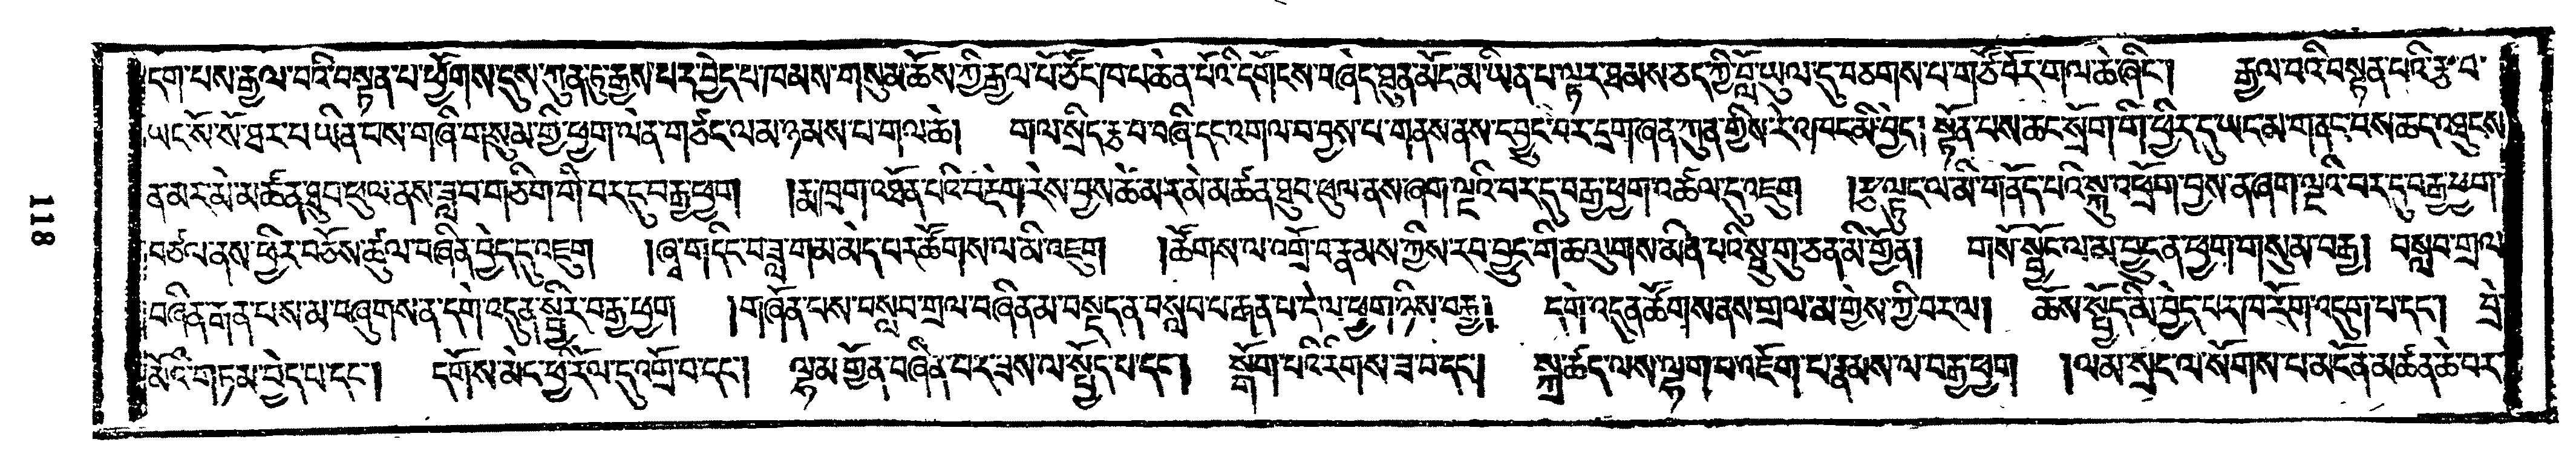དག་པས་རྒྱལ་བའི་བསྟན་པ་ཕྱོགས་དུས་ཀུན་ཏུ་རྒྱས་པར་བྱེད་པ་ཁམས་གསུམ་ཆོས་ཀྱི་རྒྱལ་པོ་ཙོང་ཁ་པ་ཆེན་པོའི་དགོངས་བཞེད་ཐུན་མོང་མ་ཡིན་པ་ལྟར་ཐམས་ཅད་ཀྱི་བློ་ཡུལ་དུ་བཅགས་པ་གཙོ་བོར་གལ་ཆེ་ཞིང་། རྒྱལ་བའི་བསྟན་པའི་རྩ་བ་
ཡང་སོ་སོ་ཐར་པ་ཡིན་པས་གཞི་གསུམ་གྱི་ཕྱག་ལེན་གཙང་ལམ་ཉམས་པ་གལ་ཆེ། གལ་སྲིད་རྩ་བ་བཞི་དང་འགལ་བ་བྱས་པ་གནས་ནས་དབྱུང་བར་དྲག་ཞན་ཀུན་གྱིས་རེ་འཁང་མི་བྱེད། སྟོན་པས་ཆང་སྲོག་གི་ཕྱིར་དུ་ཡང་མ་གནང་བས་ཆང་འཐུངས་
ན་མར་མེ་མཚན་ཐུབ་ཕུལ་ནས་ཟླ་བ་གཅིག་གི་བར་དུ་བརྒྱ་ཕྱག །རྨ་ཁྲག་འཐོན་པའི་བརྡེག་རེས་བྱས་ཚེ་མར་མེ་མཚན་ཐུབ་ཕུལ་ནས་ཞག་ལྔའི་བར་དུ་བརྒྱ་ཕྱག་འཚལ་དུ་འཇུག །རྩ་ལྟུང་ལ་མི་གནོད་པའི་སྐུ་འཕྲོག་བྱས་ན་ཞག་ལྔའི་བར་དུ་བརྒྱ་ཕྱག་
བཙལ་ནས་ཕྱིར་བཅོས་ཚུལ་བཞིན་བྱེད་དུ་འཇུག །ཞྭ་གདིང་བ་ཟླ་གམ་མེད་པར་ཚོགས་ལ་མི་འཇུག །ཚོགས་ལ་འགྲོ་བ་རྣམས་ཀྱིས་རབ་བྱུང་གི་ཆ་ལུགས་མིན་པའི་སྦུ་གུ་ཅན་མི་གྱོན། །གསོ་སྦྱོང་ལ་མ་བྱུང་ན་ཕྱག་གསུམ་བརྒྱ། །བསླབ་གྲལ་
བཞིན་རྒན་པས་མ་བཞུགས་ན་དགེ་འདུན་སྤྱིར་བརྒྱ་ཕྱག །གཞོན་པས་བསླབ་གྲལ་བཞིན་མ་བསྡད་ན་བསླབ་པ་རྒན་པ་དེ་ལ་ཕྱག་ཉིས་བརྒྱ། དགེ་འདུན་ཚོགས་ནས་གྲལ་མ་གྱེས་ཀྱི་བར་ལ། ཆོས་སྤྱོད་མི་བྱེད་པར་ཁ་རོག་འདུག་པ་དང་། བྲེ་
མོའི་གཏམ་བྱེད་པ་དང་། དགོས་མེད་ཕྱི་རོལ་དུ་འགྲོ་བ་དང་། ལྷམ་གྱོན་བཞིན་པར་ཟས་ལ་སྤྱོད་པ་དང་། སྒོག་པའི་རིགས་ཟ་བ་དང་། སྐྲ་ཚད་ལས་ལྷག་པ་འཇོག་པ་རྣམས་ལ་བརྒྱ་ཕྱག །ལམ་སྲང་ལ་སོགས་པ་མངོན་མཚན་ཆེ་བར་